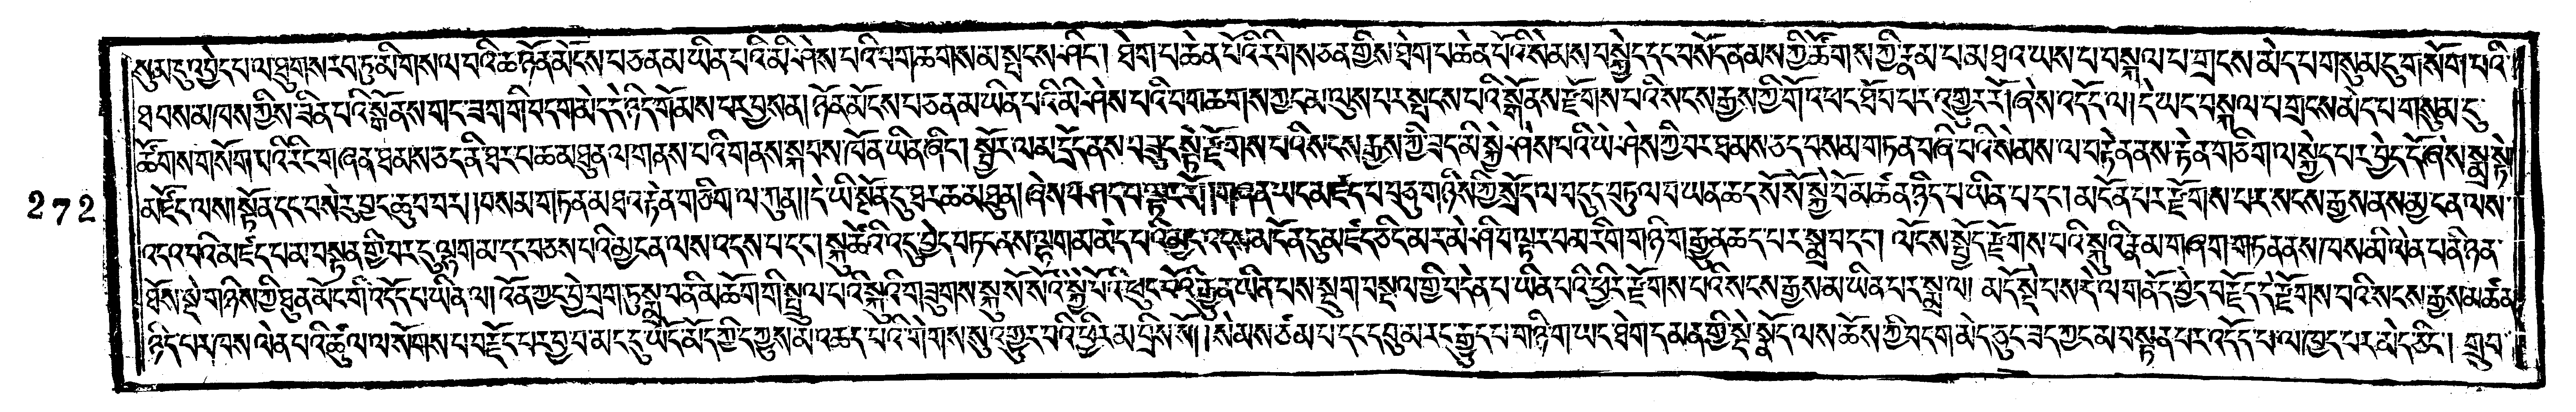སུམ་དུ་འབྱེད་པ་ལ་ཐུགས་རབ་ཏུ་མི་གསལ་བའི་ཆ་ཉོན་མོངས་པ་ཅན་མ་ཡིན་པའི་མི་ཤེས་པའི་བག་ཆགས་མ་སྤངས་ཤིང་། ཐེག་པ་ཆེན་པོའི་རིགས་ཅན་གྱིས་ཐེག་པ་ཆེན་པོའི་སེམས་བསྐྱེད་དང་བསོད་ནམས་ཀྱི་ཚོགས་ཀྱི་རྣམ་པ་མཐའ་ཡས་བ་བསྐལ་པ་གྲངས་མེད་པ་གསུམ་དུ་གསོག་པའི་
ཐབས་མཁས་ཀྱིས་ཟིན་པའི་སྒོ་ནས་གང་ཟག་གི་བདག་མེད་དེ་ཉིད་གོམས་པར་བྱས་ན། ཉོན་མོངས་པ་ཅན་མ་ཡིན་པའི་མི་ཤེས་པའི་བག་ཆགས་ཀྱང་མ་ལུས་པར་སྤངས་པའི་སྒོ་ནས་རྫོགས་པའི་སངས་རྒྱས་ཀྱི་གོ་འཕང་ཐོབ་པར་འགྱུར་རོ། ཞེས་འདོད་ལ། དེ་ཡང་བསྐལ་པ་གྲངས་མེད་པ་གསུམ་དུ་
ཚོགས་གསོག་པའི་རིང་གཞན་ཐམས་ཅད་ནི་ཐར་པ་ཆ་མཐུན་ལ་གནས་པའི་གནས་སྐབས་ཁོ་ན་ཡིན་ཞིང་། སྦྱོར་ལམ་དྲོད་ནས་བཟུང་སྟེ་རྫོགས་པའི་སངས་རྒྱས་ཀྱི་ཟད་མི་སྐྱེ་ཤེས་པའི་ཡེ་ཤེས་ཀྱི་བར་ཐམས་ཅད་བསམ་གཏན་བཞི་བའི་སེམས་ལ་བརྟེན་ནས་རྟེན་གཅིག་ལ་སྐྱེད་པར་བྱེད་དོ་ཞེས་སྨྲ་སྟེ་
མཛོད་ལས། སྟོན་དང་བསེ་རུ་བྱང་ཆུབ་པར། །བསམ་གཏན་མཐའ་རྟེན་གཅིག་ལ་ཀུན། །དེ་ཡི་སྔོན་དུ་ཐར་ཆ་མཐུན། ཞེས་བཤད་པ་ལྟར་རོ། །གཞན་ཡང་མཛད་པ་བཅུ་གཉིས་ཀྱི་སྲོད་ལ་བདུད་བཏུལ་བ་ཡན་ཆད་སོ་སོ་སྐྱེ་བོ་མཚན་ཉིད་པ་ཡིན་པ་དང་། མངོན་པར་རྫོགས་པར་སངས་རྒྱས་ནས་མྱ་ངན་ལས་
འདའ་བའི་མཛད་པ་མ་བསྟན་གྱི་བར་དུ་ལྷག་མ་དང་བཅས་པའི་མྱ་ངན་ལས་འདས་པ་དང་། སྐུ་ཚེའི་འདུ་བྱེད་བཏང་ནས་ལྷག་མ་མེད་པའི་མྱང་འདས་མངོན་དུ་མཛད་ཅིང་མར་མེ་ཤི་བ་ལྟར་བམ་རིག་གཉིག་རྒྱུན་ཆད་པར་སྨྲ་བ་དང་། ལོངས་སྤྱོད་རྫོགས་པའི་སྐུའི་རྣམ་གཞག་གཏན་ནས་ཁས་མི་ལེན་པ་ནི་ཉན་
ཐོས་སྡེ་གཉིས་ཀྱི་ཐུན་མོང་གི་འདོད་པ་ཡིན་ལ། འོན་ཀྱང་བྱེ་བྲག་ཏུ་སྨྲ་བ་ནི་མཆོག་གི་སྤྲུལ་པའི་སྐུའི་གཟུགས་སྐུ་སོ་སོའི་ཡེ་བོའི་ཕུང་པོའི་རྒྱུན་ཡིན་པས་སྡུག་བསྔལ་གྱི་བདེན་པ་ཡིན་པའི་ཕྱིར་རྫོགས་པའི་སངས་རྒྱས་མ་ཡིན་པར་སྨྲ་ལ། མདོ་སྡེ་བས་དེ་ལ་གནོད་བྱེད་བརྗོད་དོ་རྫོགས་པའི་སངས་རྒྱས་མཚན་
ཉིད་པར་ཁས་ལེན་པའི་ཚུལ་ལ་སོགས་པ་བརྗོད་པར་བྱ་བ་མ་ངི་དུ་ཡོད་མོད་ཀྱི་དཀྱུས་མ་འཆད་པའི་གེ་གས་སུ་འགྱུར་བའི་ཕྱིར་མ་བྲིས་སོ། །སེམས་ཙམ་པ་དང་དབུ་མ་རང་རྒྱུད་པ་གཉིས་ཡང་ཐེག་དམན་གྱི་སྡེ་སྣོད་ལས་ཆོས་ཀྱི་བདག་མེད་ཅུང་ཟད་ཀྱང་མ་བསྟན་པར་འདོད་པ་ལ་ཁྱད་པར་མེད་ཅིང་། གྲུབ་